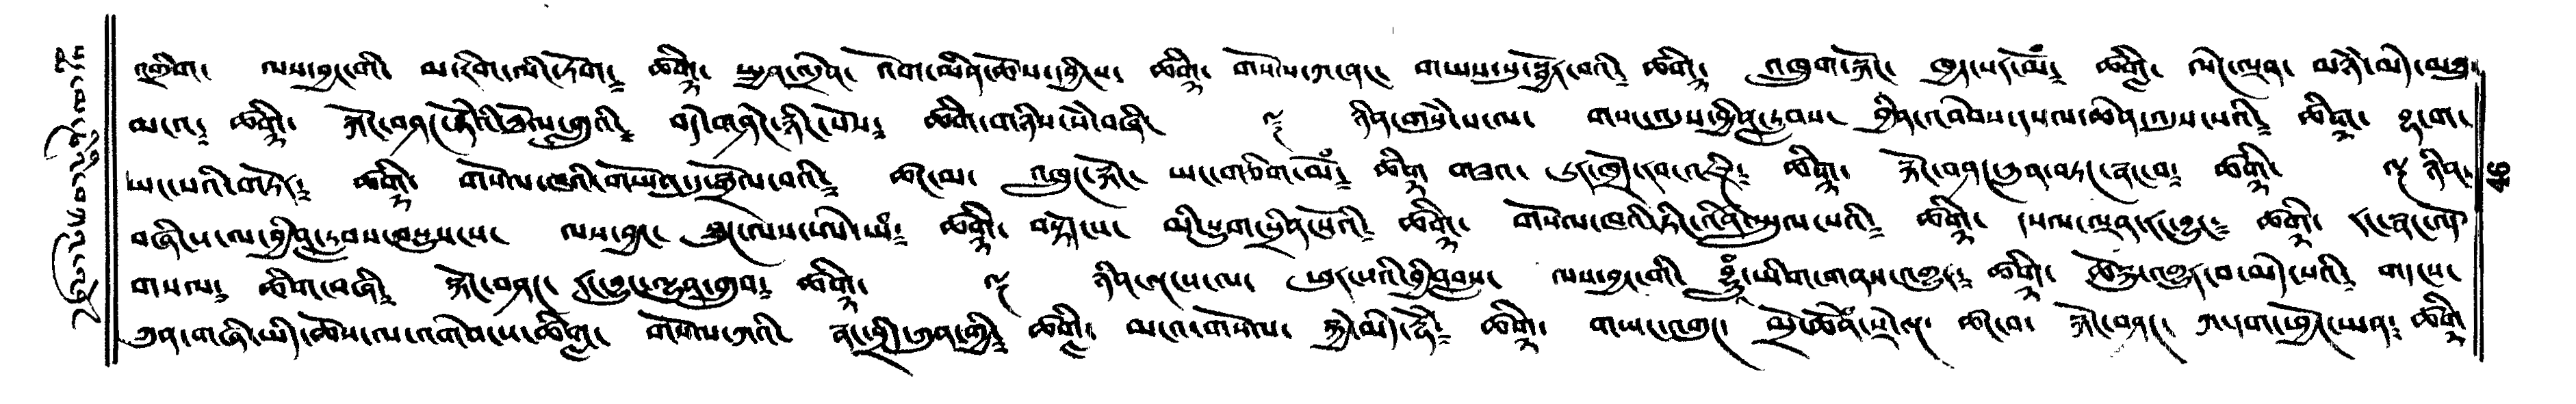འགྲིག ལས་བྱང་གི མ་རིག་ལིང་ཏོག༴ ཚིག་གཉིས། སྤྱན་འདྲེན། འོག་མིན་ཆོས་དབྱིངས༴ ཚིག་གཉིས། གསོལ་ཀ་ནང་། གཡས་སུ་སྦྱོར་བའི༴ ཚིག་གཉིས། འཁྲུགས་སྐོང་། ཁྱད་པར་མ་མོ༴ ཚིག་བཞི། ལེགས་ལྡན། མཉམ་མེད་མཐུ་
མངའ༴ ཚིག་བཞི། སྐོང་བཤགས་རྡོ་རྗེ་ཐོལ་གླུའི། བདེ་གཤེགས་སྙིང་པོས༴ ཚིག་གཉིས་སམ་བཞི། ༈ ཉིན་གསུམ་པ་ལ། གསང་འདུས་བྱིན་རླབས། བྱིན་འབེབས། དཔལ་ཆེན་འདུས་པའི༴ ཚིག་གཉིས། བྷ་ག་
ཡང་པའི་གཏོར༴ ཚིག་གཉིས། གསོལ་ཁའི། གཡོན་དུ་སྒྲོལ་བའི༴ ཚང་མ། འཁྲུགས་སྐོང་། ཡང་གཅིག་མ་མོ༴ ཚིག་གཉིས། གཟའ། དུར་ཁྲོད་རབ་འཇིགས༴ ཚིག་གཉིས། སྐོང་བཤགས། ཀུན་བཏགས་སྣང་བ༴ ཚིག་གཉིས། ༈ ཉིན་
བཞི་པ་ལ་བྱིན་རླབས་བསྡུས་པ། ལས་བྱང་། ཐུགས་ལས་ཨེ་ཡཾ༴ ཚིག་གཉིས། བསྟོད་པ། མི་སྡུག་སྲིན་པོའི༴ ཚིག་གཉིས། གསོལ་ཁའི། ཏིང་འཛིན་སྤྲུལ་པའི༴ ཚིག་གཉིས། དཔལ་ལྡན་རང་བྱུང༴ ཚིག་གཉིས། རང་སྣང་འོད་
གསལ༴ ཚིག་བཞི། སྐོང་བཤགས། རང་བྱུང་ལྷུན་གྲུབ༴ ཚིག་གཉིས། ༈ ཉིན་ལྔ་པ་ལ། ཕུར་པའི་བྱིན་རླབས། ལས་བྱང་གི བྷྲུཾ་ཡིག་གནས་འགྱུར༴ ཚིག་གཉིས། ཆོས་སྐུ་འགྱུར་བ་མེད་པའི༴ གདངས་
ཀུན་གཞི་ཡིད་ཆོས་ལ་འགེབ་པ་ཚིག་བཞི། གསོལ་ཀའི། སྣང་སྲིད་ཀུན་གྱི༴ ཚིག་བཞི། མངའ་གསོལ། སྐྱེ་མེད་རྡོ་རྗེ༴ ཚིག་གཉིས། གཡང་འགུགས། མཁའ་འགྲོ་ཆེན་པོ་སྡེ་ལྔ༴ ཆ་ཚང་། སྐོང་བཤགས། ཀ་དག་ཕྱོགས་ཡན༴ ཚིག་གཉིས།